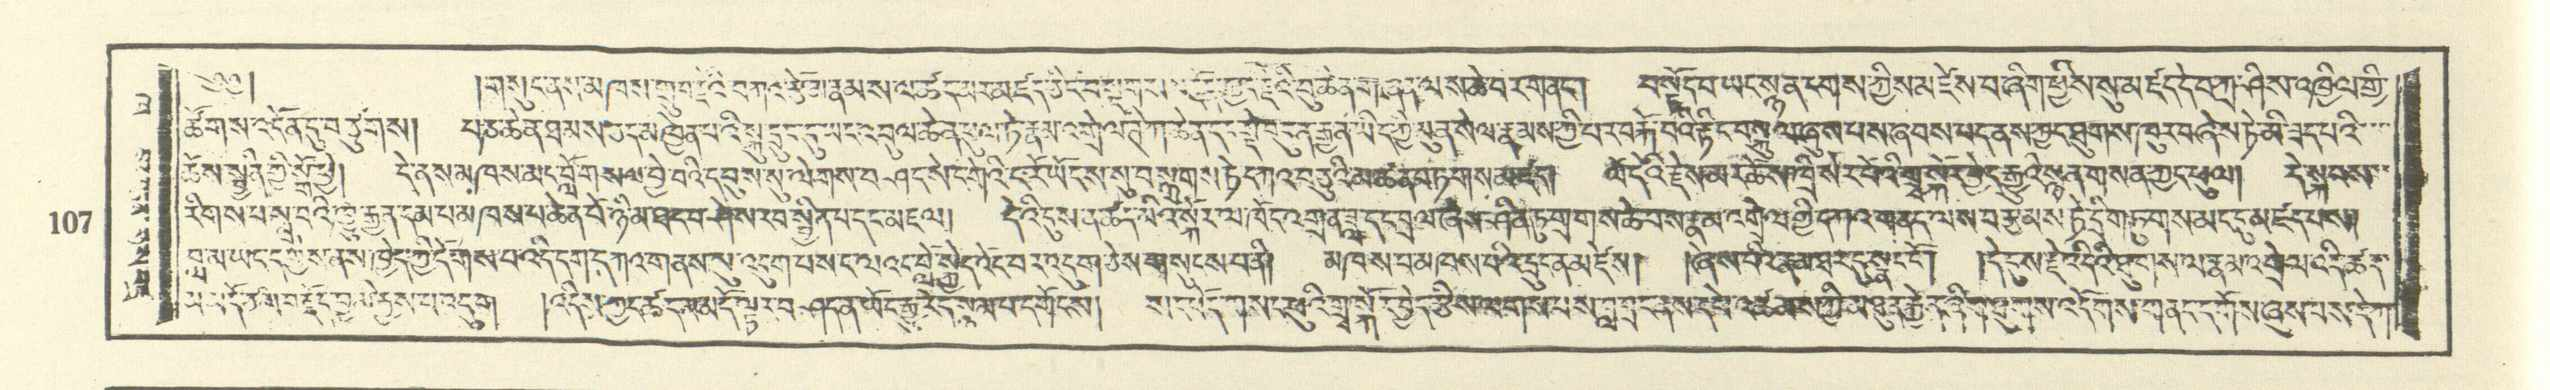༄༅། །གསུང་ནས་མཁས་གྲུབ་རྗེའི་བཀའ་རྩོམ་རྣམས་ལ་ཚད་མར་མཛད་ཅིང་བསྔགས་བརྗོད་ཀྱང་རྗེའི་བུ་ཆེན་གཞན་ལས་ཆེ་བར་གནང་། བསྟོད་པ་ཡང་སྙན་ངགས་ཀྱིས་མཛེས་པ་ཞིག་ཕྱིས་སུ་མཛད་དེ་བཀྲ་ཤིས་འཁྱིལ་གྱི་
ཚོགས་འདོན་དུ་བཙུགས། པཎ་ཆེན་ཐམས་ཅད་མཁྱེན་པའི་སྐུ་དྲུང་དུ་ཡང་འབུལ་ཆེན་ཕུལ་ཏེ་རྣམ་འགྲེལ་ཊི་ཀ་ཆེན་དང་སྡེ་བདུན་རྒྱན་ཡིད་ཀྱི་མུན་སེལ་རྣམས་ཀྱི་བར་བརྐོ་བའི་རྟིང་བསྐུལ་ཞུས་པས་ཞབས་པད་ནས་ཀྱང་ཐུགས་ཁུར་བཞེས་ཏེ་མི་ཟད་པའི་
ཆོས་སྦྱིན་གྱི་སྒོ་ཕྱེ། དེ་ནས་མཁས་མང་བློ་གསལ་བྱེ་བའི་དབུས་སུ་ལེགས་བཤད་སེང་གེའི་ང་རོ་ཡོངས་སུ་བསྒྲགས་ཏེ་དཀའ་བཅུའི་མཚན་བཏགས་མཛད། ལོ་དེའི་རྗེས་མར་ཆོས་ཁྲི་སེར་པོའི་གྲྭ་སྐོར་བྱེད་རྒྱུའི་སྙན་གསན་ཀྱང་ཕུལ། དེ་སྐབས་
རིགས་པ་སྨྲ་བའི་ཁྱུ་རྒྱན་དམ་པ་མཁས་པ་ཆེན་པོ་ཉི་མ་ཐང་པ་ཤེས་རབ་སྦྱིན་པ་དང་མཇལ། དེའི་དུས་ན་ཚད་མིའི་སྐོར་ལ་ཁོང་འགྲན་ཟླ་དང་བྲལ་ཞེས་ཤིན་ཏུ་གྲགས་ཆེ་བས་རྣམ་འགྲེལ་གྱི་དཀའ་གནད་ལས་བརྩམས་ཏེ་དྲི་གཏུགས་མང་དུ་མཛད་པས།
བླ་མ་ཡང་དགྱེས་ནས་ཁྱེད་ཀྱི་དོགས་པ་འདི་དག་དཀའ་གནས་སུ་འདུག་པ་སང་ལའང་བློ་སྐྱེད་འོང་བར་འདུག་ཅེས་གསུངས་པ་ནི། མཁས་པ་མཁས་པའི་དྲུང་ན་མཛེས། །ཞེས་པའི་རྣམ་ཐར་དུ་སྣང་ངོ། །དེ་དུས་རྗེ་འདིའི་ཐུགས་ལ་རྣམ་འགྲེལ་འདི་ཚད་
མ་མདོ་ཙམ་བརྗོད་བྱ་མི་རྒྱས་པ་འདུག །འདིས་ཀྱང་ཚད་མ་མདོ་ལྟར་བཤད་ན་ཡོང་རྒྱུ་རེད་སྙམ་པ་དགོངས། སང་ཕོད་གསང་ཕུའི་གྲྭ་སྐོར་བྱེད་རྩིས་ལགས་པས་བླ་བྲང་ནས་དཔེ་འཚམས་ཀྱི་མཐུན་རྐྱེན་ཞིག་ཐུགས་འདོགས་གནང་དགོས་ཞུས་པས་དེ་ཀ་